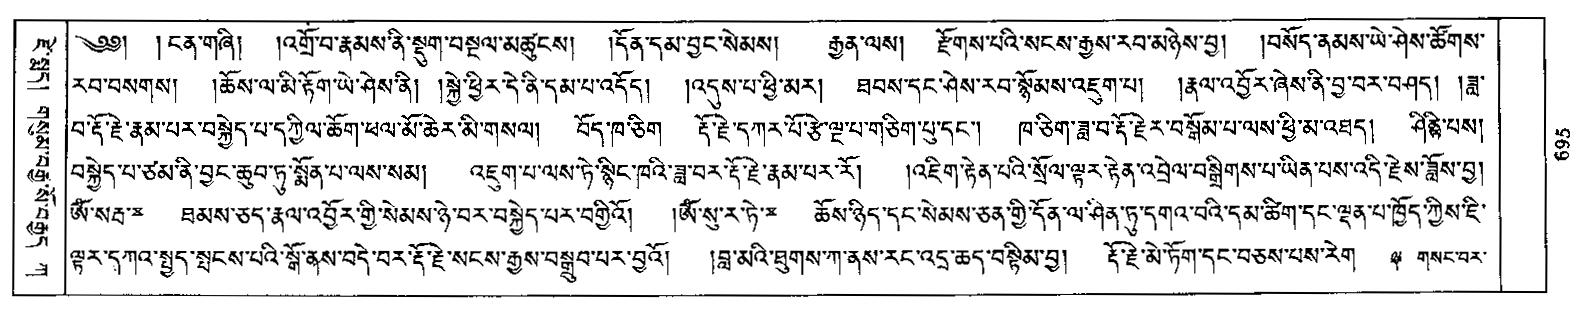༄༅། །ངན་གཞི། །འགྲོ་བ་རྣམས་ནི་སྡུག་བསྔལ་མཚུངས། །དོན་དམ་བྱང་སེམས། རྒྱན་ལས། རྫོགས་པའི་སངས་རྒྱས་རབ་མཉེས་བྱ། །བསོད་ནམས་ཡེ་ཤེས་ཚོགས་
རབ་བསགས། །ཆོས་ལ་མི་རྟོག་ཡེ་ཤེས་ནི། །སྐྱེ་ཕྱིར་དེ་ནི་དམ་པ་འདོད། །འདུས་པ་ཕྱི་མར། ཐབས་དང་ཤེས་རབ་སྙོམས་འཇུག་པ། །རྣལ་འབྱོར་ཞེས་ནི་བྱ་བར་བཤད། །ཟླ་
བ་རྡོ་རྗེ་རྣམ་པར་བསྐྱེད་པ་དཀྱིལ་ཆོག་ཕལ་མོ་ཆེར་མི་གསལ། བོད་ཁ་ཅིག་རྡོ་རྗེ་དཀར་པོ་རྩེ་ལྔ་པ་གཅིག་པུ་དང་། ཁ་ཅིག་ཟླ་བ་རྡོ་རྗེར་བསྒོམ་པ་ལས་ཕྱི་མ་འཐད། ཤིནྟི་པས།
བསྐྱེད་པ་ཙམ་ནི་བྱང་ཆུབ་ཏུ་སྨོན་པ་ལས་སམ། འཇུག་པ་ལས་ཏེ་སྙིང་ཁའི་ཟླ་བར་རྡོ་རྗེ་རྣམ་པར་རོ། །འཇིག་རྟེན་པའི་སྲོལ་ལྟར་རྟེན་འབྲེལ་བསྒྲིགས་པ་ཡིན་པས་འདི་རྗེས་ཟློས་བྱ།
ཨོཾ་སརྦ་྾་ཐམས་ཅད་རྣལ་འབྱོར་གྱི་སེམས་ཉེ་བར་བསྐྱེད་པར་བགྱིའོ། །ཨོཾ་སུ་ར་ཏེ་྾་ཆོས་ཉིད་དང་སེམས་ཅན་གྱི་དོན་ལ་ཤིན་ཏུ་དགའ་བའི་དམ་ཚིག་དང་ལྡན་པ་ཁྱོད་ཀྱིས་ཇི་
ལྟར་དཀའ་སྤྱད་སྤངས་པའི་སྒོ་ནས་བདེ་བར་རྡོ་རྗེ་སངས་རྒྱས་བསྒྲུབ་པར་བྱའོ། །བླ་མའི་ཐུགས་ཀ་ནས་རང་འདྲ་ཆད་བསྟིམ་བྱ། རྡོ་རྗེ་མེ་ཏོག་དང་བཅས་པས་རེག ༈ གསང་བར་